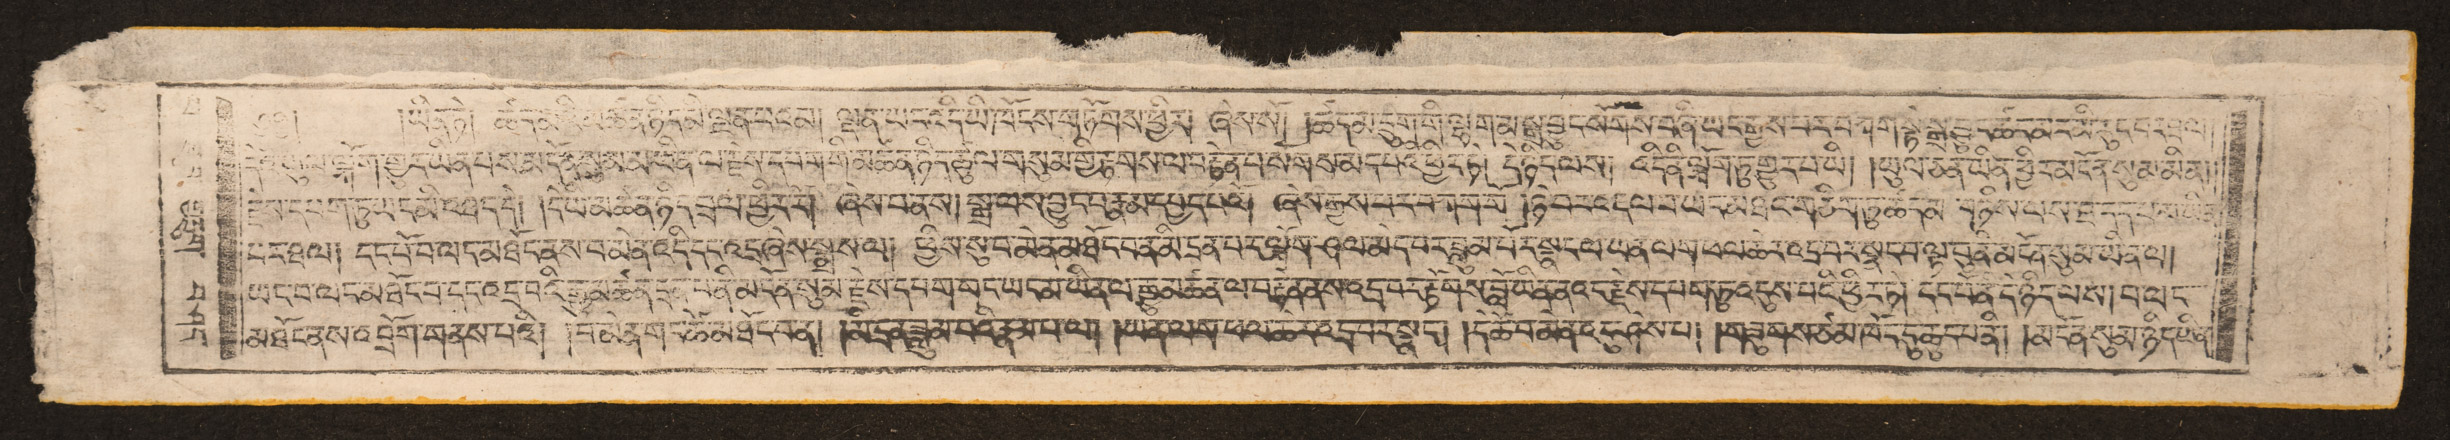༄༅། །ཡིན་ཏེ། ཚད་མའི་མཚན་ཉིད་མི་ལྡན་པའམ། ལྡན་ཡང་འདི་ཡི་ཁོངས་གཏོགས་ཕྱིར༑ ཞེས་སོ། །ཚད་མ་དྲུག་གི་ལྷག་མ་སྒྲ་བྱུང་སོགས་བཞི་ཡང་རྒྱས་པར་བཀག་སྟེ་སྒྲ་བྱུང་ཚད་མར་མི་རུང་བར་ཐལ།
དེའི་ཡུལ་ལྐོག་གྱུར་ཡིན་པས་མངོན་སུམ་མ་ཡིན་ལ་རྗེས་དཔག་གི་མཚན་ཉིད་ཚུལ་གསུམ་གྱི་རྟགས་ལ་བརྟེན་པ་སོགས་མེད་པའི་ཕྱིར་ཏེ། དེ་ཉིད་ལས། འདི་ནི་ལྐོག་ཏུ་གྱུར་པ་ཡི། །ཡུལ་ཅན་ཡིན་ཕྱིར་མངོན་སུམ་མིན།།
རྗེས་དཔག་ཏུ་ཡང་མི་འཐད་དེ། །དེ་ཡི་མཚན་ཉིད་བྲལ་ཕྱིར་རོ། ཞེས་པ་ནས། སྒྲ་ལས་བྱུང་བ་རྣམ་དཔྱད་པའོ། ཞེས་རྒྱས་པར་བཀག་གོ །ཉེ་བར་འཇལ་བ་ཡང་མཐའ་གཅིག་ཏུ་ཚད་མ་གཉིས་ལས་ཐ་དད་པ་མ་ཡིན་
པར་ཐལ། དང་པོ་བ་ལང་མཐོང་ནས་བ་མེན་འདི་དང་འདྲ་ཞེས་སྨྲས་ལ། ཕྱིས་སུ་བ་མེན་མཐོང་བ་ན་མི་དྲན་པར་ལྐོག་ཤལ་མེད་པར་ཟླུམ་པོར་སྣང་ལ་ཡན་ལག། ཕལ་ཆེར་འདྲ་བར་སྣང་བ་ལྟ་བུ་ནི་མངོན་སུམ་ཡིན་ལ།
ཡང་བ་ལང་མཐོང་བ་དང་འདྲ་བའི་རྒྱུ་མཚན་དྲན་པ་ནི་མངོན་སུམ་རྗེས་དཔག་གང་ཡང་མ་ཡིན་ལ་རྒྱུ་མཚན་ལ་བརྟེན་ནས་འདྲ་བར་རྟོགས་བློ་ཡིན་ནའང་རྗེས་དཔག་ཏུ་འདུས་པའི་ཕྱིར་ཏེ། དང་པོ་ནི་དེ་ཉིད་ལས། བ་ལང་
མཐོང་ནས་འབྲོག་གནས་པའི། །བ་མེན་གང་ཚེ་མཐོང་བ་ན། །མི་དྲན་ཟླུམ་པའི་རྣམ་པ་ལ། །ཡན་ལག་ཕལ་ཆེར་འདྲ་བར་སྣང་། །དེ་ཚེ་བ་མེན་འདུ་ཤེས་པ། །གཟུགས་ཙམ་ཁོང་དུ་ཆུད་པ་ནི། །མངོན་སུམ་ཉིད་ཡིན་